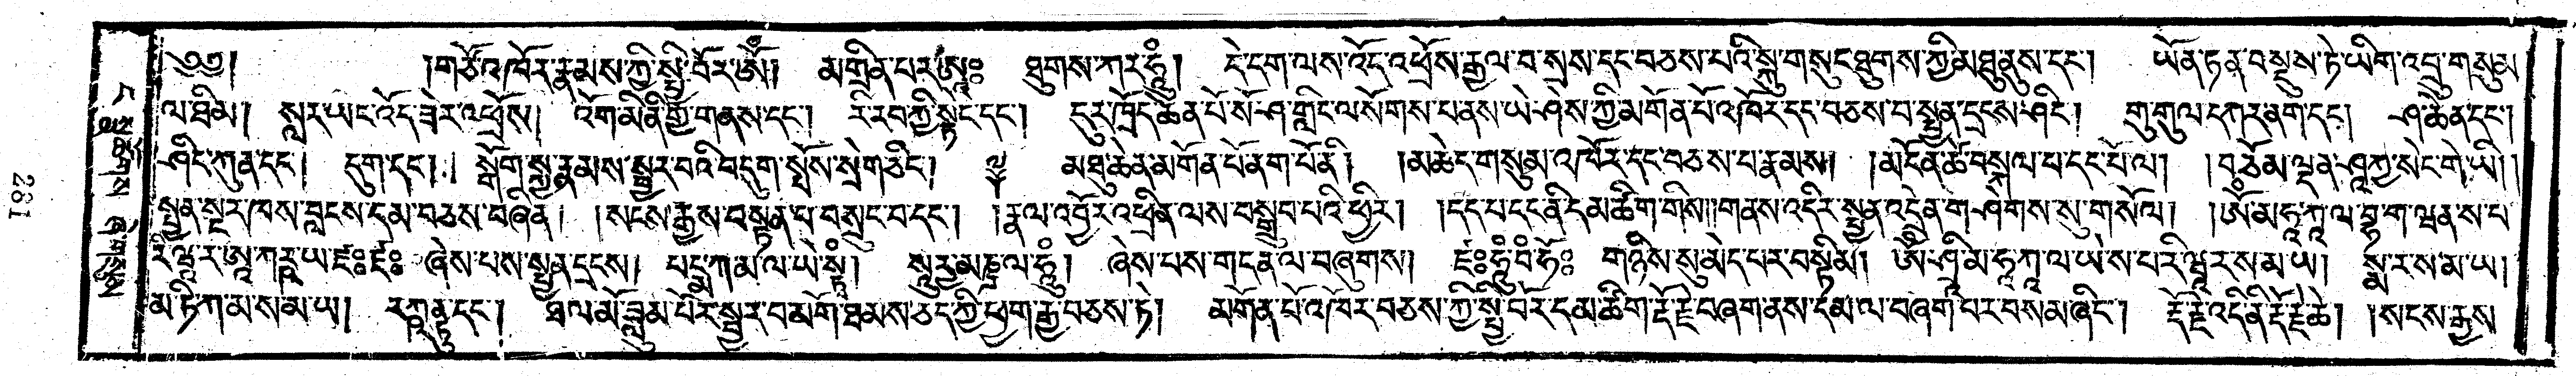༄༅། །གཙོ་འཁོར་རྣམས་ཀྱི་སྤྱི་བོར་ཨོཾ། མགྲིན་པར་ཨཱཿ ཐུགས་ཀར་ཧཱུཾ། དེ་དག་ལས་འོད་འཕྲོས་རྒྱལ་བ་སྲས་དང་བཅས་པའི་སྐུ་གསུང་ཐུགས་ཀྱི་མཐུ་ནུས་དང་། ཡོན་ཏན་བསྡུས་ཏེ་ཡིག་འབྲུ་གསུམ་
ལ་ཐིམ། སླར་ཡང་འོད་ཟེར་འཕྲོས། འོག་མི་ནི་གྱ་གནས་དང་། རི་རབ་ཀྱི་སྟེང་དང་། དུར་ཁྲོད་ཆེན་པོ་སོ་ཤ་གླིང་ལ་སོགས་པ་ནས་ཡེ་ཤེས་ཀྱི་མགོན་པོ་འཁོར་དང་བཅས་པ་སྤྱན་དྲངས་ཤིང་། གུ་གུལ་དཀར་ནག་དང་། ཤ་ཆེན་དང་།
ཤིང་ཀུན་དང་། དུག་དང་། །སྒོག་སྐྱ་རྣམས་སྦྱར་བའི་བདུག་སྤོས་སྲེག་ཅིང་། ༈ མཐུ་ཆེན་མགོན་པོ་ནག་པོ་ནི། །མཆེད་གསུམ་འཁོར་དང་བཅས་པ་རྣམས། །མངོན་ཚེ་བསྐལ་པ་དང་པོ་ལ། །བཅོམ་ལྡན་ཤཱཀྱ་སེང་གེ་ཡི། །
སྤྱན་སྔར་ཁས་བླངས་དམ་བཅས་བཞིན། །སངས་རྒྱས་བསྟན་པ་བསྲུང་བ་དང་། །རྣལ་འབྱོར་འཕྲིན་ལས་བསྒྲུབ་པའི་ཕྱིར། །དད་པ་དང་ནི་དམ་ཚིག་གིས། །གནས་འདིར་སྤྱན་འདྲེན་གཤེགས་སུ་གསོལ། །ཨོཾ་མཧཱ་ཀཱ་ལ་བྷ་ག་ཝན་ས་པ་
རི་ཝཱ་ར་ཨཱ་ཀརྵ་ཡ་ཛཿ ཛཿ ཞེས་པས་སྤྱན་དྲངས། པདམ་ཀ་མ་ལ་ཡེ་སྟྭཾ། སཱུརྱ་མཎྜ་ལ་ཧཱུཾ། ཞེས་པས་གདན་ལ་བཞུགས། ཛཿ ཧཱུཾ་བཾ་ཧོཿ གཉིས་སུ་མེད་པར་བསྟིམ། ཨོཾ་ཤྲཱི་མཧཱ་ཀཱ་ལ་ཡེ་ས་པ་རི་ཝཱ་ར་ས་མ་ཡ། སྨ་ར་ས་མ་ཡ།
མ་ཏི་ཀ་མ་ས་མ་ཡ། རཀྵནྟུ་དང་། ཐལ་མོ་ཟླུམ་པོར་སྦྱར་བ་མགོ་ཐམས་ཅད་ཀྱི་ཕྱག་རྒྱ་བཅས་ཏེ། མགོན་པོ་འཁོར་བཅས་ཀྱི་སྤྱི་བོར་དམ་ཚིག་རྡོ་རྗེ་བཞག་ནས་དམ་ལ་བཞག་པར་བསམ་ཞིང་། རྡོ་རྗེ་འདི་ནི་རྡོ་རྗེ་ཆེ། །སངས་རྒྱས་